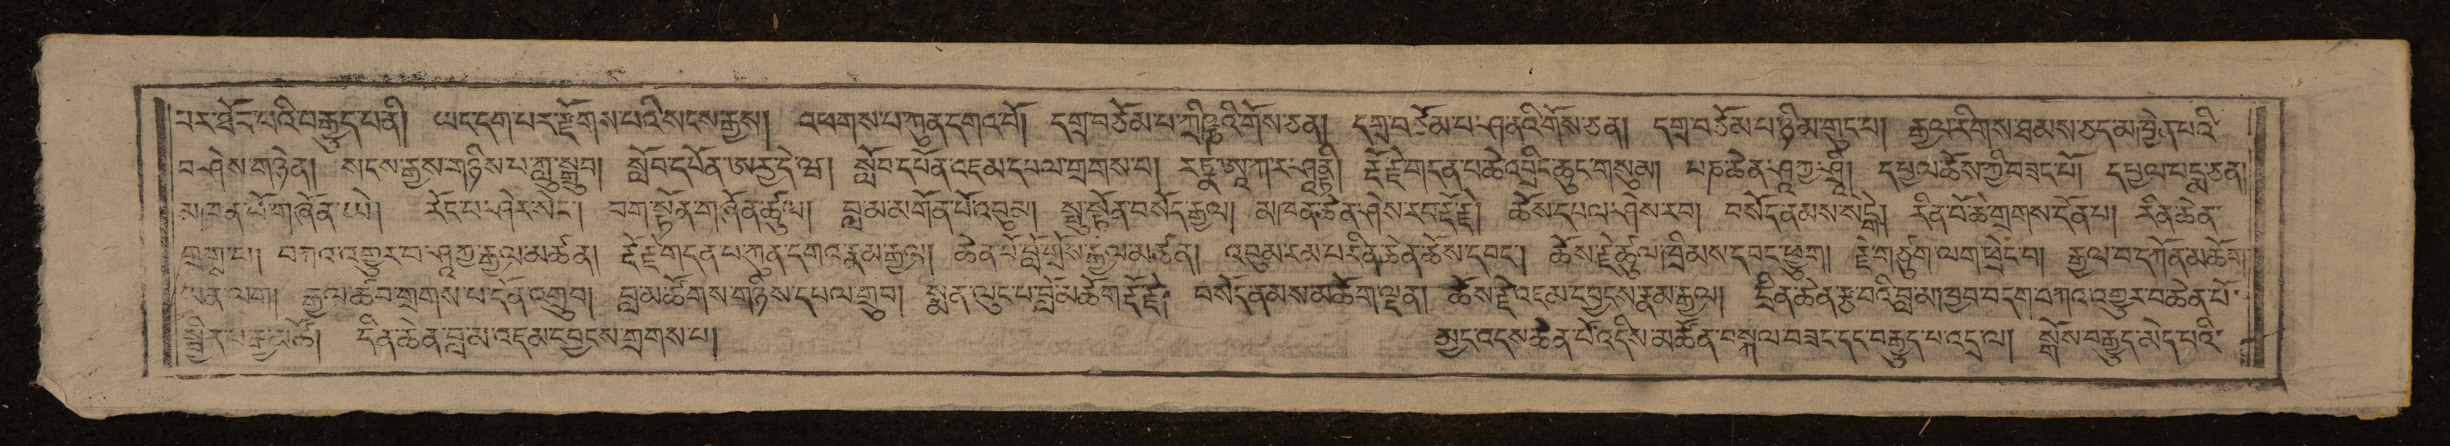པར་ཐོང་པའི་བརྒྱུད་པ་ནི། ཡང་དག་པར་རྫོགས་པའི་སངས་རྒྱས། འཕགས་པ་ཀུན་དགའ་བོ། དགྲ་བཅོམ་པ་ཀྲིཥྞའི་གོས་ཅན། དགྲ་བཅོམ་པ་ཤ་ནའི་གོས་ཅན། དགྲ་བཅོམ་པ་ཉི་མ་གུང་པ། རྒྱལ་རིགས་ཐམས་ཅད་མཁྱེན་པའི་
བཤེས་གཉེན། སངས་རྒྱས་གཉིས་པ་ཀླུ་སྒྲུབ། སློབ་དཔོན་ཨརྱ་དེ་ཝ། སློབ་དཔོན་འཇམ་དཔལ་གྲགས་པ། རཏྣ་ཨཱ་ཀ་ར་ཤཱནྟི། རྡོ་རྗེ་གདན་པ་ཆེ་འབྲིང་ཆུང་གསུམ། པཎ་ཆེན་ཤཱཀྱ་ཤྲཱི། དཔྱལ་ཆོས་ཀྱི་བཟང་པོ། དཔྱལ་པདམ་ཅན།
མཁན་པོ་གཞོན་ཡེ། རོང་པ་ཤེར་སེང་། བག་སྟོན་གཞོན་ཚུལ། བླ་མ་མགོན་པོ་འབུམ། སྤུ་སྟོན་བསོད་རྒྱལ། མཁན་ཆེན་ཤེས་རབ་རྡོ་རྗེ། ཆོས་དཔལ་ཤེས་རབ། བསོད་ནམས་སེངྒེ། རིན་པོ་ཆེ་གྲགས་དོན་པ། རིན་ཆེན་
གྲག་པ། བཀའ་འགྱུར་བ་ཤཱཀྱ་རྒྱལ་མཚན། རྡོ་རྗེ་གདན་པ་ཀུན་དགའ་རྣམ་རྒྱལ། ཆེན་པོ་བློ་གྲོས་རྒྱལ་མཚན། འབུམ་རམ་པ་རིན་ཆེན་ཆོས་དབང་། ཆོས་རྗེ་ཚུལ་ཁྲིམས་དབང་ཕྱུག། རྗེ་གཙུག་ལག་ཕྲེང་བ། རྒྱལ་བ་དཀོན་མཆོག་
ཡན་ལག། རྒྱལ་ཚབ་གྲགས་པ་དོན་འགྲུབ། བླ་མ་ཚོགས་གཉིས་དཔལ་གྲུབ། སྨན་ལུང་པ་བློ་མཆོག་རྡོ་རྗེ༑ བསོད་ནམས་མཆོག་ལྡན། ཆོས་རྗེ་འཇམ་དབྱངས་རྣམ་རྒྱལ། དྲིན་ཆེན་རྩ་བའི་བླ་མ་ཁྱབ་བདག་བཀའ་འགྱུར་བ་ཆེན་པོ་
སྦྱིར་པ་རྒྱ་མཚོ། དིན་ཆེན་བླ་མ་འཇམ་དབྱངས་གྲགས་པ། མྱང་འདས་ཆེན་པོ་འདིས་མཚོན་བསྐལ་བཟང་དང་བརྒྱུད་པ་འདྲ་ལ། སྒོས་བརྒྱུད་མེད་པའི་